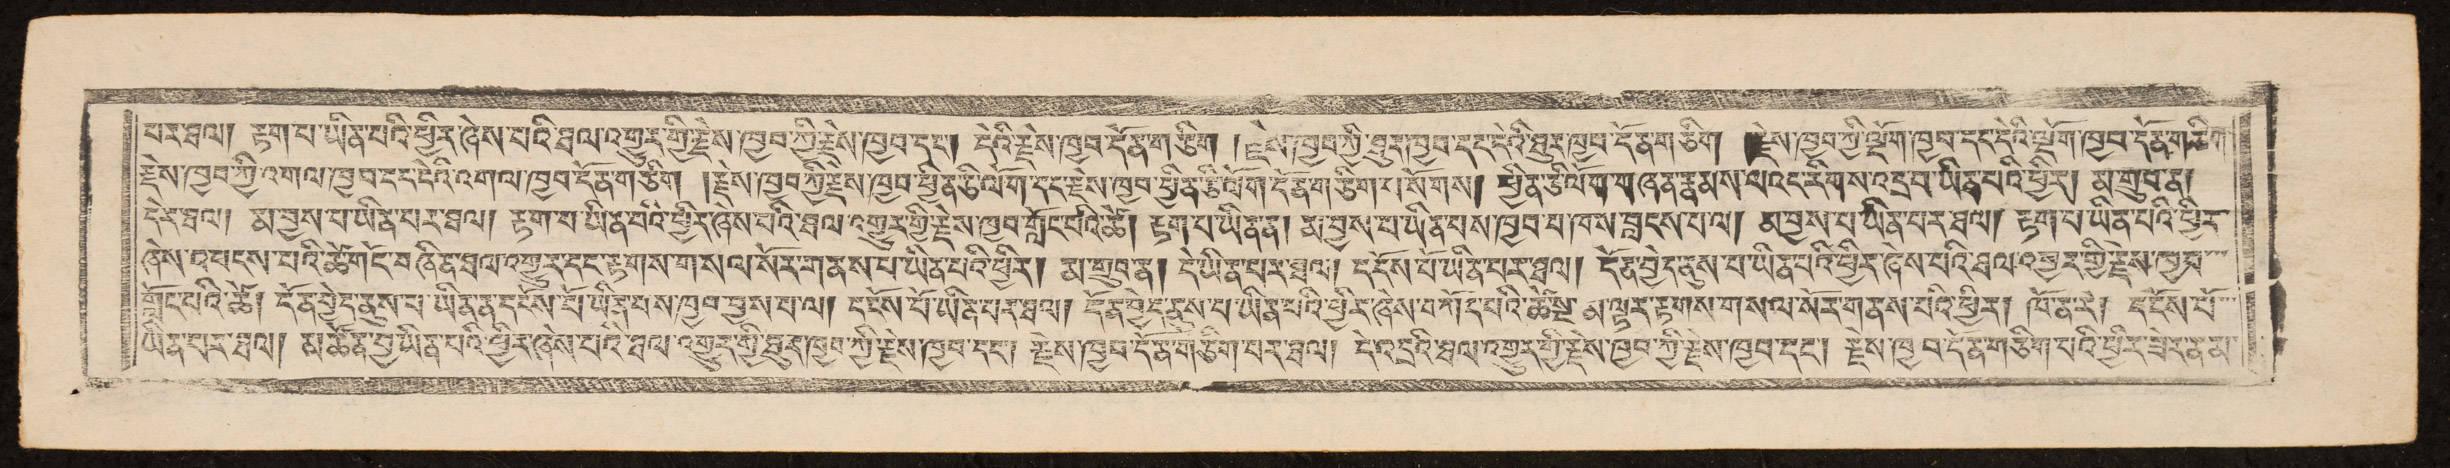པར་ཐལ། རྟག་པ་ཡིན་པའི་ཕྱིར་ཞེས་པའི་ཐལ་འགྱུར་གྱི་རྗེས་ཁྱབ་ཀྱི་རྗེས་ཁྱབ་དང་། དེའི་རྗེས་ཁྱབ་དོན་གཅིག །རྗེས་ཁྱབ་ཀྱི་ཐུར་ཁྱབ་དང་དེའི་ཐུར་ཁྱབ་དོན་གཅིག །རྗེས་ཁྱབ་ཀྱི་ལྡོག་ཁྱབ་དང་དེའི་ལྡོག་ཁྱབ་དོན་གཅིག།
རྗེས་ཁྱབ་ཀྱི་འགལ་ཁྱབ་དང་དེའི་འགལ་ཁྱབ་དོན་གཅིག །རྗེས་ཁྱབ་ཀྱི་རྗེས་ཁྱབ་ཕྱིན་ཅི་ལོག་དང་རྗེས་ཁྱབ་ཕྱིན་ཅི་ལོག་དོན་གཅིག་པ་སོགས། ཕྱིན་ཅི་ལོག་གཞན་རྣམས་ལའང་རིགས་འདྲ་བ་ཡིན་པའི་ཕྱིར། མ་གྲུབ་ན།
དེར་ཐལ། མ་བྱས་པ་ཡིན་པར་ཐལ། རྟག་པ་ཡིན་པའི་ཕྱིར་ཞེས་པའི་ཐལ་འགྱུར་གྱི་རྗེས་ཁྱབ་གློང་བའི་ཚེ། རྟག་པ་ཡིན་ན། མ་བྱས་པ་ཡིན་པས་ཁྱབ་པ་ཁས་བླངས་པ་ལ། མ་བྱས་པ་ཡིན་པར་ཐལ། རྟག་པ་ཡིན་པའི་ཕྱིར།
ཞེས་འཕངས་པའི་ཚེ་གོང་བཞིན་ཐལ་འགྱུར་དང་རྟགས་གསལ་སོར་གནས་པ་ཡིན་པའི་ཕྱིར། མ་གྲུབ་ན། དེ་ཡིན་པར་ཐལ། དངོས་པོ་ཡིན་པར་ཐལ། དོན་བྱེད་ནུས་པ་ཡིན་པའི་ཕྱིར་ཞེས་པའི་ཐལ་འགྱུར་གྱི་རྗེས་ཁྱབ་
གློང་པའི་ཚེ། དོན་བྱེད་ནུས་པ་ཡིན་ན་དངོས་པོ་ཡིན་པས་ཁྱབ་བྱས་པ་ལ། དངོས་པོ་ཡིན་པར་ཐལ། དོན་བྱེད་ནུས་པ་ཡིན་པའི་ཕྱིར་ཞེས་བཀོད་པའི་ཚེ་ལྔ་མ་ལྟར་རྟགས་གསལ་སོར་གནས་པའི་ཕྱིར། ཁོ་ན་རེ། དངོས་པོ་
ཡིན་པར་ཐལ། མཚོན་བྱ་ཡིན་པའི་ཕྱིར་ཞེས་པའི་ཐལ་འགྱུར་གྱི་ཐུར་ཁྱབ་ཀྱི་རྗེས་ཁྱབ་དང་། རྗེས་ཁྱབ་དོན་གཅིག་པར་ཐལ། དེ་འདྲའི་ཐལ་འགྱུར་གྱི་རྗེས་ཁྱབ་ཀྱི་རྗེས་ཁྱབ་དང་། རྗེས་ཁྱབ་དོན་གཅིག་པའི་ཕྱིར་ཟེར་ན་མ་